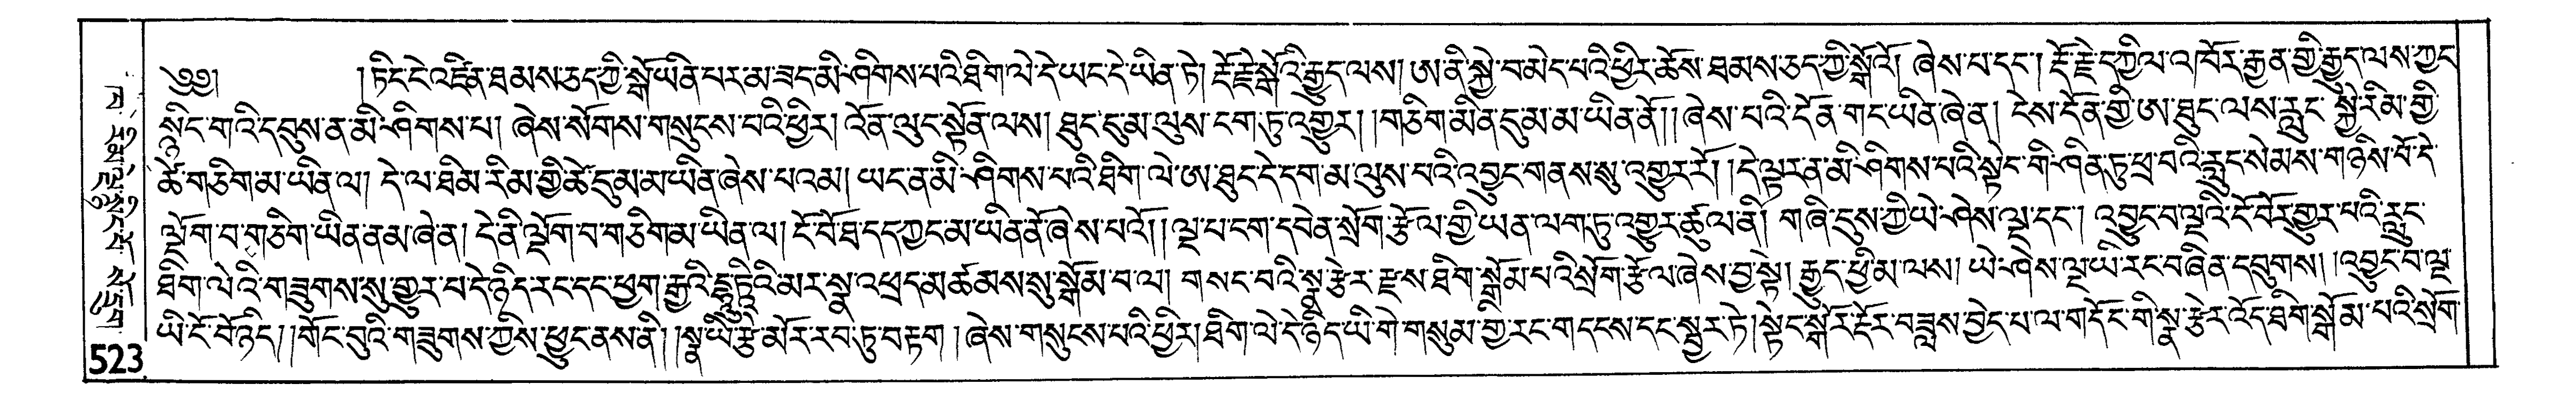༄༅། །ཏིང་ངེ་འཛིན་ཐམས་ཅད་ཀྱི་སྒོ་ཡིན་པར་མ་ཟད་མི་ཤིགས་པའི་ཐིག་ལེ་དེ་ཡང་དེ་ཡིན་ཏེ། རྡོ་རྗེ་སྒོའི་རྒྱུད་ལས། ཨ་ནི་སྐྱེ་བ་མེད་པའི་ཕྱིར་ཆོས་ཐམས་ཅད་ཀྱི་སྒོའོ། ཞེས་པ་དང་། རྡོ་རྗེ་དཀྱིལ་འཁོར་རྒྱན་གྱི་རྒྱུད་ལས་ཀྱང་
སྙིང་གའི་དབུས་ན་མི་ཤིགས་པ། ཞེས་སོགས་གསུངས་པའི་ཕྱིར། འོ་ན་ལུང་སྟོན་ལས། ཐུང་དུ་མ་ལུས་ངག་ཏུ་འགྱུར། །གཅིག་མིན་དུ་མ་མ་ཡིན་ནོ། །ཞེས་པའི་དོན་གང་ཡིན་ཞེ་ན། ངེས་དོན་གྱི་ཨ་ཐུང་ལས་རླུང་སྐྱེ་རིམ་གྱི་
ཚེ་གཅིག་མ་ཡིན་ལ། དེ་ལ་ཐིམ་རིམ་གྱི་ཚེ་དུ་མ་མ་ཡིན་ཞེས་པའམ། ཡང་ན་མི་ཤིགས་པའི་ཐིག་ལེ་ཨ་ཐུང་དེ་དག་མ་ལུས་པའི་འབྱུང་གནས་སུ་འགྱུར་རོ། །དེ་ལྟར་ན་མི་ཤིགས་པའི་སྟེང་གི་ཤིན་ཏུ་ཕྲ་བའི་རླུང་སེམས་གཉིས་པོ་དེ་
ལྡོག་པ་གཅིག་ཡིན་ནམ་ཞེ་ན། དེ་ནི་ལྡོག་པ་གཅིག་མ་ཡིན་ལ། ངོ་བོ་ཐ་དད་ཀྱང་མ་ཡིན་ནོ་ཞེས་པའོ། །ལྔ་པ་ངག་དབེན་སྲོག་རྩོལ་གྱི་ཡན་ལག་ཏུ་འགྱུར་ཚུལ་ནི། གཞི་དུས་ཀྱི་ཡེ་ཤེས་ལྔ་དང་། འབྱུང་བ་ལྔའི་ངོ་བོར་གྱུར་པའི་རླུང་
ཐིག་ལེའི་གཟུགས་སུ་གྱུར་པ་དེ་ཉིད་རང་དང་ཕྱག་རྒྱའི་དྷཱུ་ཏཱིའི་མར་སྣ་འཕྲད་མཚམས་སུ་སྒོམ་པ་ལ། གསང་བའི་སྣ་རྩེར་རྫས་ཐིག་སྒོམ་པའི་སྲོག་རྩོལ་ཞེས་བྱ་སྟེ། རྒྱུད་ཕྱི་མ་ལས། ཡེ་ཤེས་ལྔ་ཡི་རང་བཞིན་དབུགས། །འབྱུང་བ་ལྔ་
ཡི་ངོ་བོ་ཉིད། །གོང་བུའི་གཟུགས་ཀྱིས་ཕྱུང་ནས་ནི། །སྣ་ཡི་རྩེ་མོར་རབ་ཏུ་བརྟག །ཞེས་གསུངས་པའི་ཕྱིར། ཐིག་ལེ་དེ་ཉིད་ཡི་གེ་གསུམ་གྱི་རང་གདངས་དང་སྦྱར་ཏེ། སྟེང་སྒོར་རྡོར་བཟླས་བྱེད་པ་ལ་གདོང་གི་སྣ་རྩེར་འོད་ཐིག་སྒོམ་པའི་སྲོག་